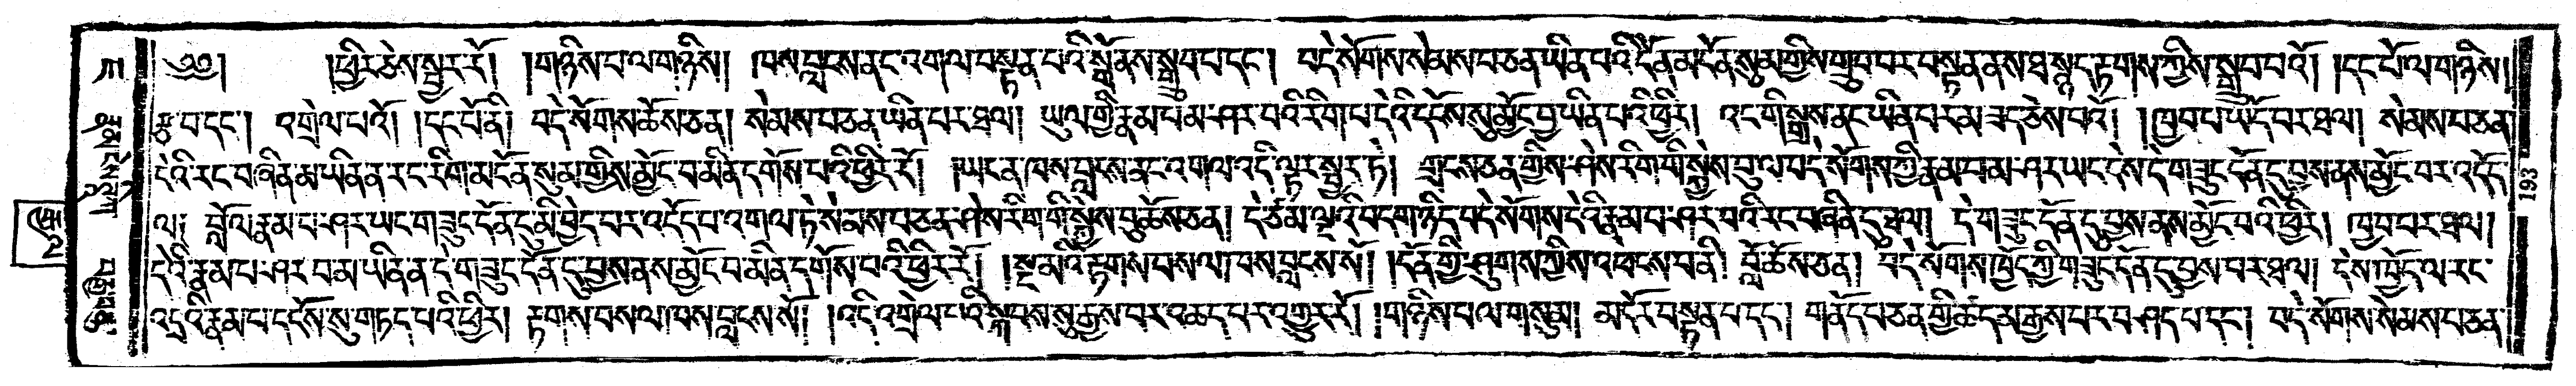༄༅། །ཕྱིར་ཅེས་སྦྱར་རོ། །གཉིས་པ་ལ་གཉིས། ཁས་བླངས་ནང་འགལ་བསྟན་པའི་སྒོ་ནས་སྒྲུབ་པ་དང་། བདེ་སོགས་སེམས་པ་ཅན་ཡིན་པའི་དོན་མངོན་སུམ་གྱིས་གྲུབ་པར་བསྟན་ནས་ཐ་སྙད་རྟགས་ཀྱིས་སྒྲུབ་པའོ། །དང་པོ་ལ་གཉིས།
རྩ་བ་དང་། འགྲེལ་པའོ། །དང་པོ་ནི། བདེ་སོགས་ཆོས་ཅན། སེམས་པ་ཅན་ཡིན་པར་ཐལ། ཡུལ་གྱི་རྣམ་པ་མ་ཤར་བའི་རིག་པ་དེའི་དངོས་སུ་མྱོང་བྱ་ཡིན་པའི་ཕྱིར། འང་གི་སྒྲས་ནང་ཡིན་པར་མ་ཟད་ཅེས་པའོ། །ཁྱབ་པ་ཡོད་པར་ཐལ། སེམས་པ་ཅན་
དེའི་རང་བཞིན་མ་ཡིན་ན་རང་རིག་མངོན་སུམ་གྱིས་མྱོང་བ་མིན་དགོས་པའི་ཕྱིར་རོ། །ཡང་ན་ཁས་བླངས་ནང་འགལ་འདི་ལྟར་སྦྱར་ཏེ། གྲངས་ཅན་གྱིས་ཤེས་རིག་གི་སྐྱེས་བུ་ལ་བདེ་སོགས་ཀྱི་རྣམ་པ་མ་ཤར་ཡང་དེས་དེ་གཟུང་དོན་དུ་བྱས་ནས་མྱོང་བར་འདོད་
ལ། བློ་ལ་རྣམ་པ་ཤར་ཡང་གཟུང་དོན་དུ་མི་བྱེད་པར་འདོད་པ་འགལ་ཏེ་སེམས་པ་ཅན་ཤེས་རིག་གི་སྐྱེས་བུ་ཆོས་ཅན། དེ་ཙམ་ལྔའི་བདག་ཉིད་བདེ་སོགས་དེའི་རྣམ་པ་ཤར་བའི་རང་བཞིན་དུ་ཐལ། དེ་གཟུང་དོན་དུ་བྱས་ནས་མྱོང་བའི་ཕྱིར། ཁྱབ་པར་ཐལ།
དེའི་རྣམ་པ་ཤར་བ་མ་ཡིན་ན་དེ་གཟུང་དོན་དུ་བྱས་ནས་མྱོང་བ་མིན་དགོས་པའི་ཕྱིར་རོ། །སྔ་མའི་རྟགས་བསལ་ཁས་བླངས་སོ། །དོན་གྱི་ཤུགས་ཀྱིས་འཕངས་པ་ནི། བློ་ཆོས་ཅན། བདེ་སོགས་ཁྱོད་ཀྱི་གཟུང་དོན་དུ་བྱས་པར་ཐལ། དེས་ཁྱོད་ལ་རང་
འདྲའི་རྣམ་པ་དངོས་སུ་གཏད་པའི་ཕྱིར། རྟགས་བསལ་ཁས་བླངས་སོ། །འདི་འགྲེལ་བའི་སྐབས་སུ་རྒྱས་པར་འཆད་པར་འགྱུར་རོ། །གཉིས་པ་ལ་གསུམ། མདོར་བསྟན་པ་དང་། གནོད་པ་ཅན་གྱི་ཚད་མ་རྒྱས་པར་བཤད་པ་དང་། བདེ་སོགས་སེམས་པ་ཅན་